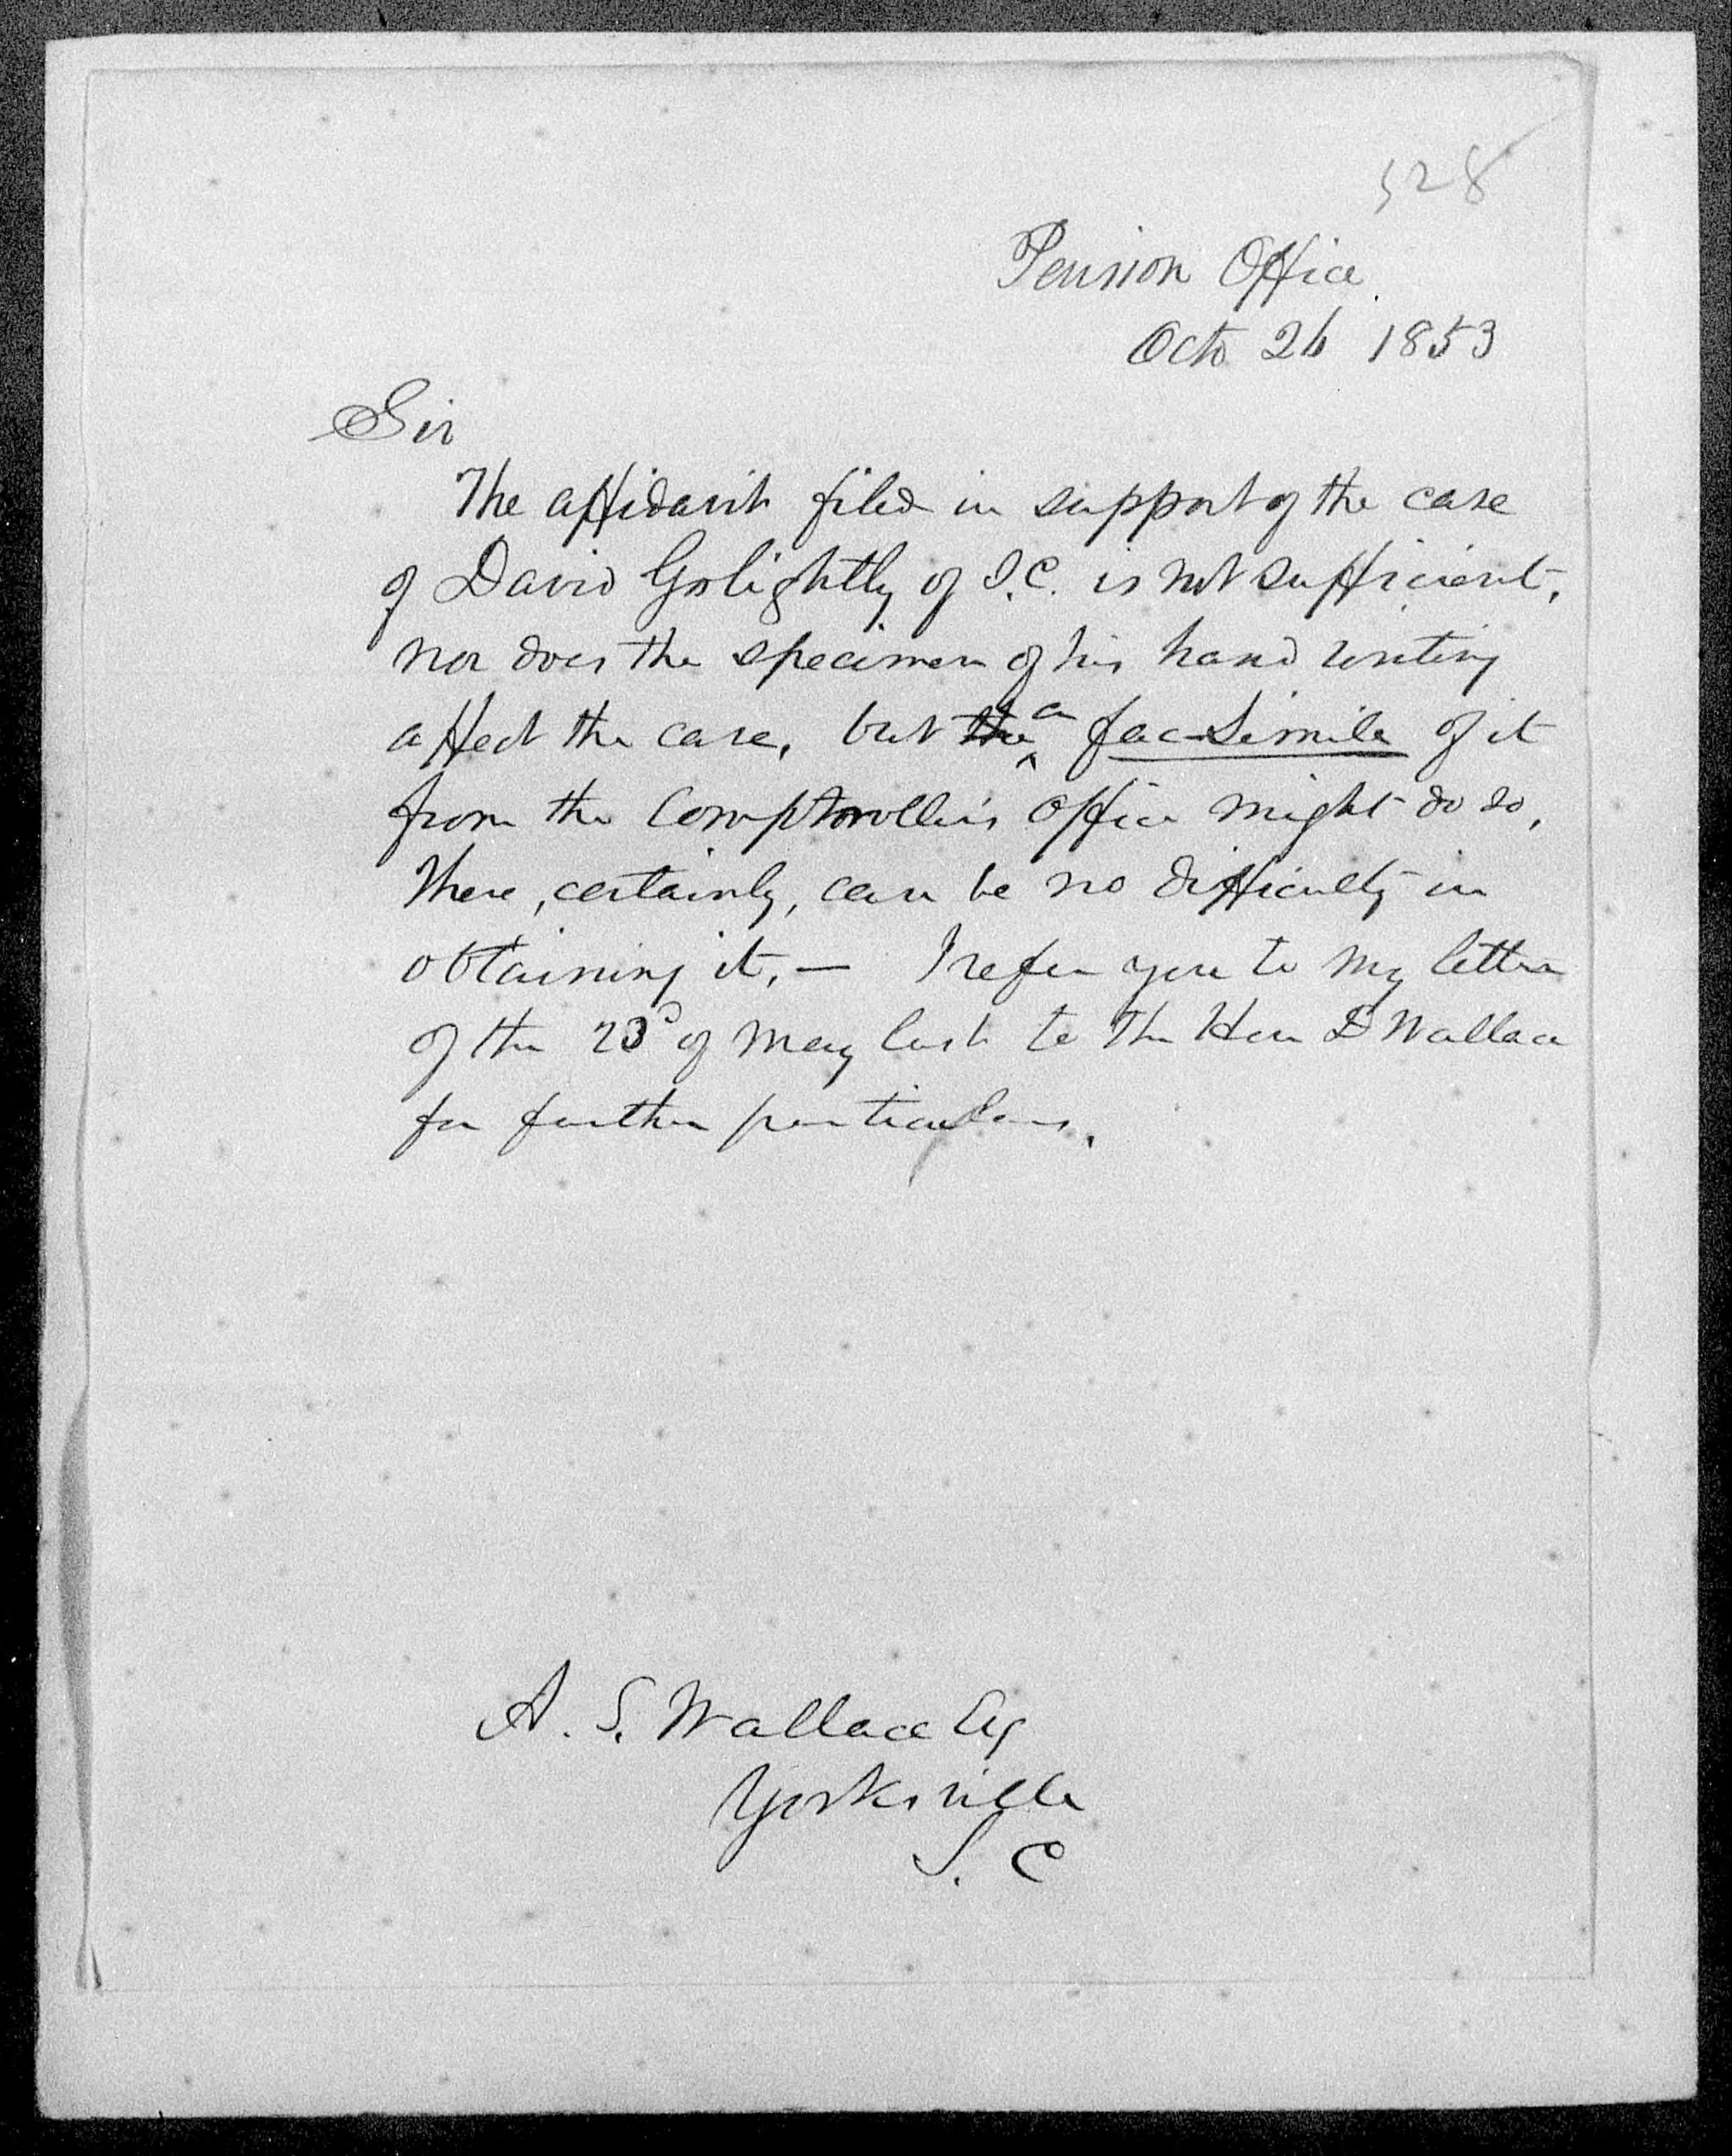Pension Office
Oct. 21, 1853

Sir

   The affidavit filed in support of the case of David Golightly of S.C. is not sufficient nor does the specimen of his hand writing affect the care, but a facsimile of it from the Comptroller Office might do so.

   There, certainly, can be no difficulty in obtaining it.  I refer you to my letter of the 23d of May last to the Hon D. Wallace for further particulars.

A.S. Wallace
Yorkville
S.C.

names: David Golightly, D Wallace, A S Wallace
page: 31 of 57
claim: survivor's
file: S. 18888, David Golightly, S.C.